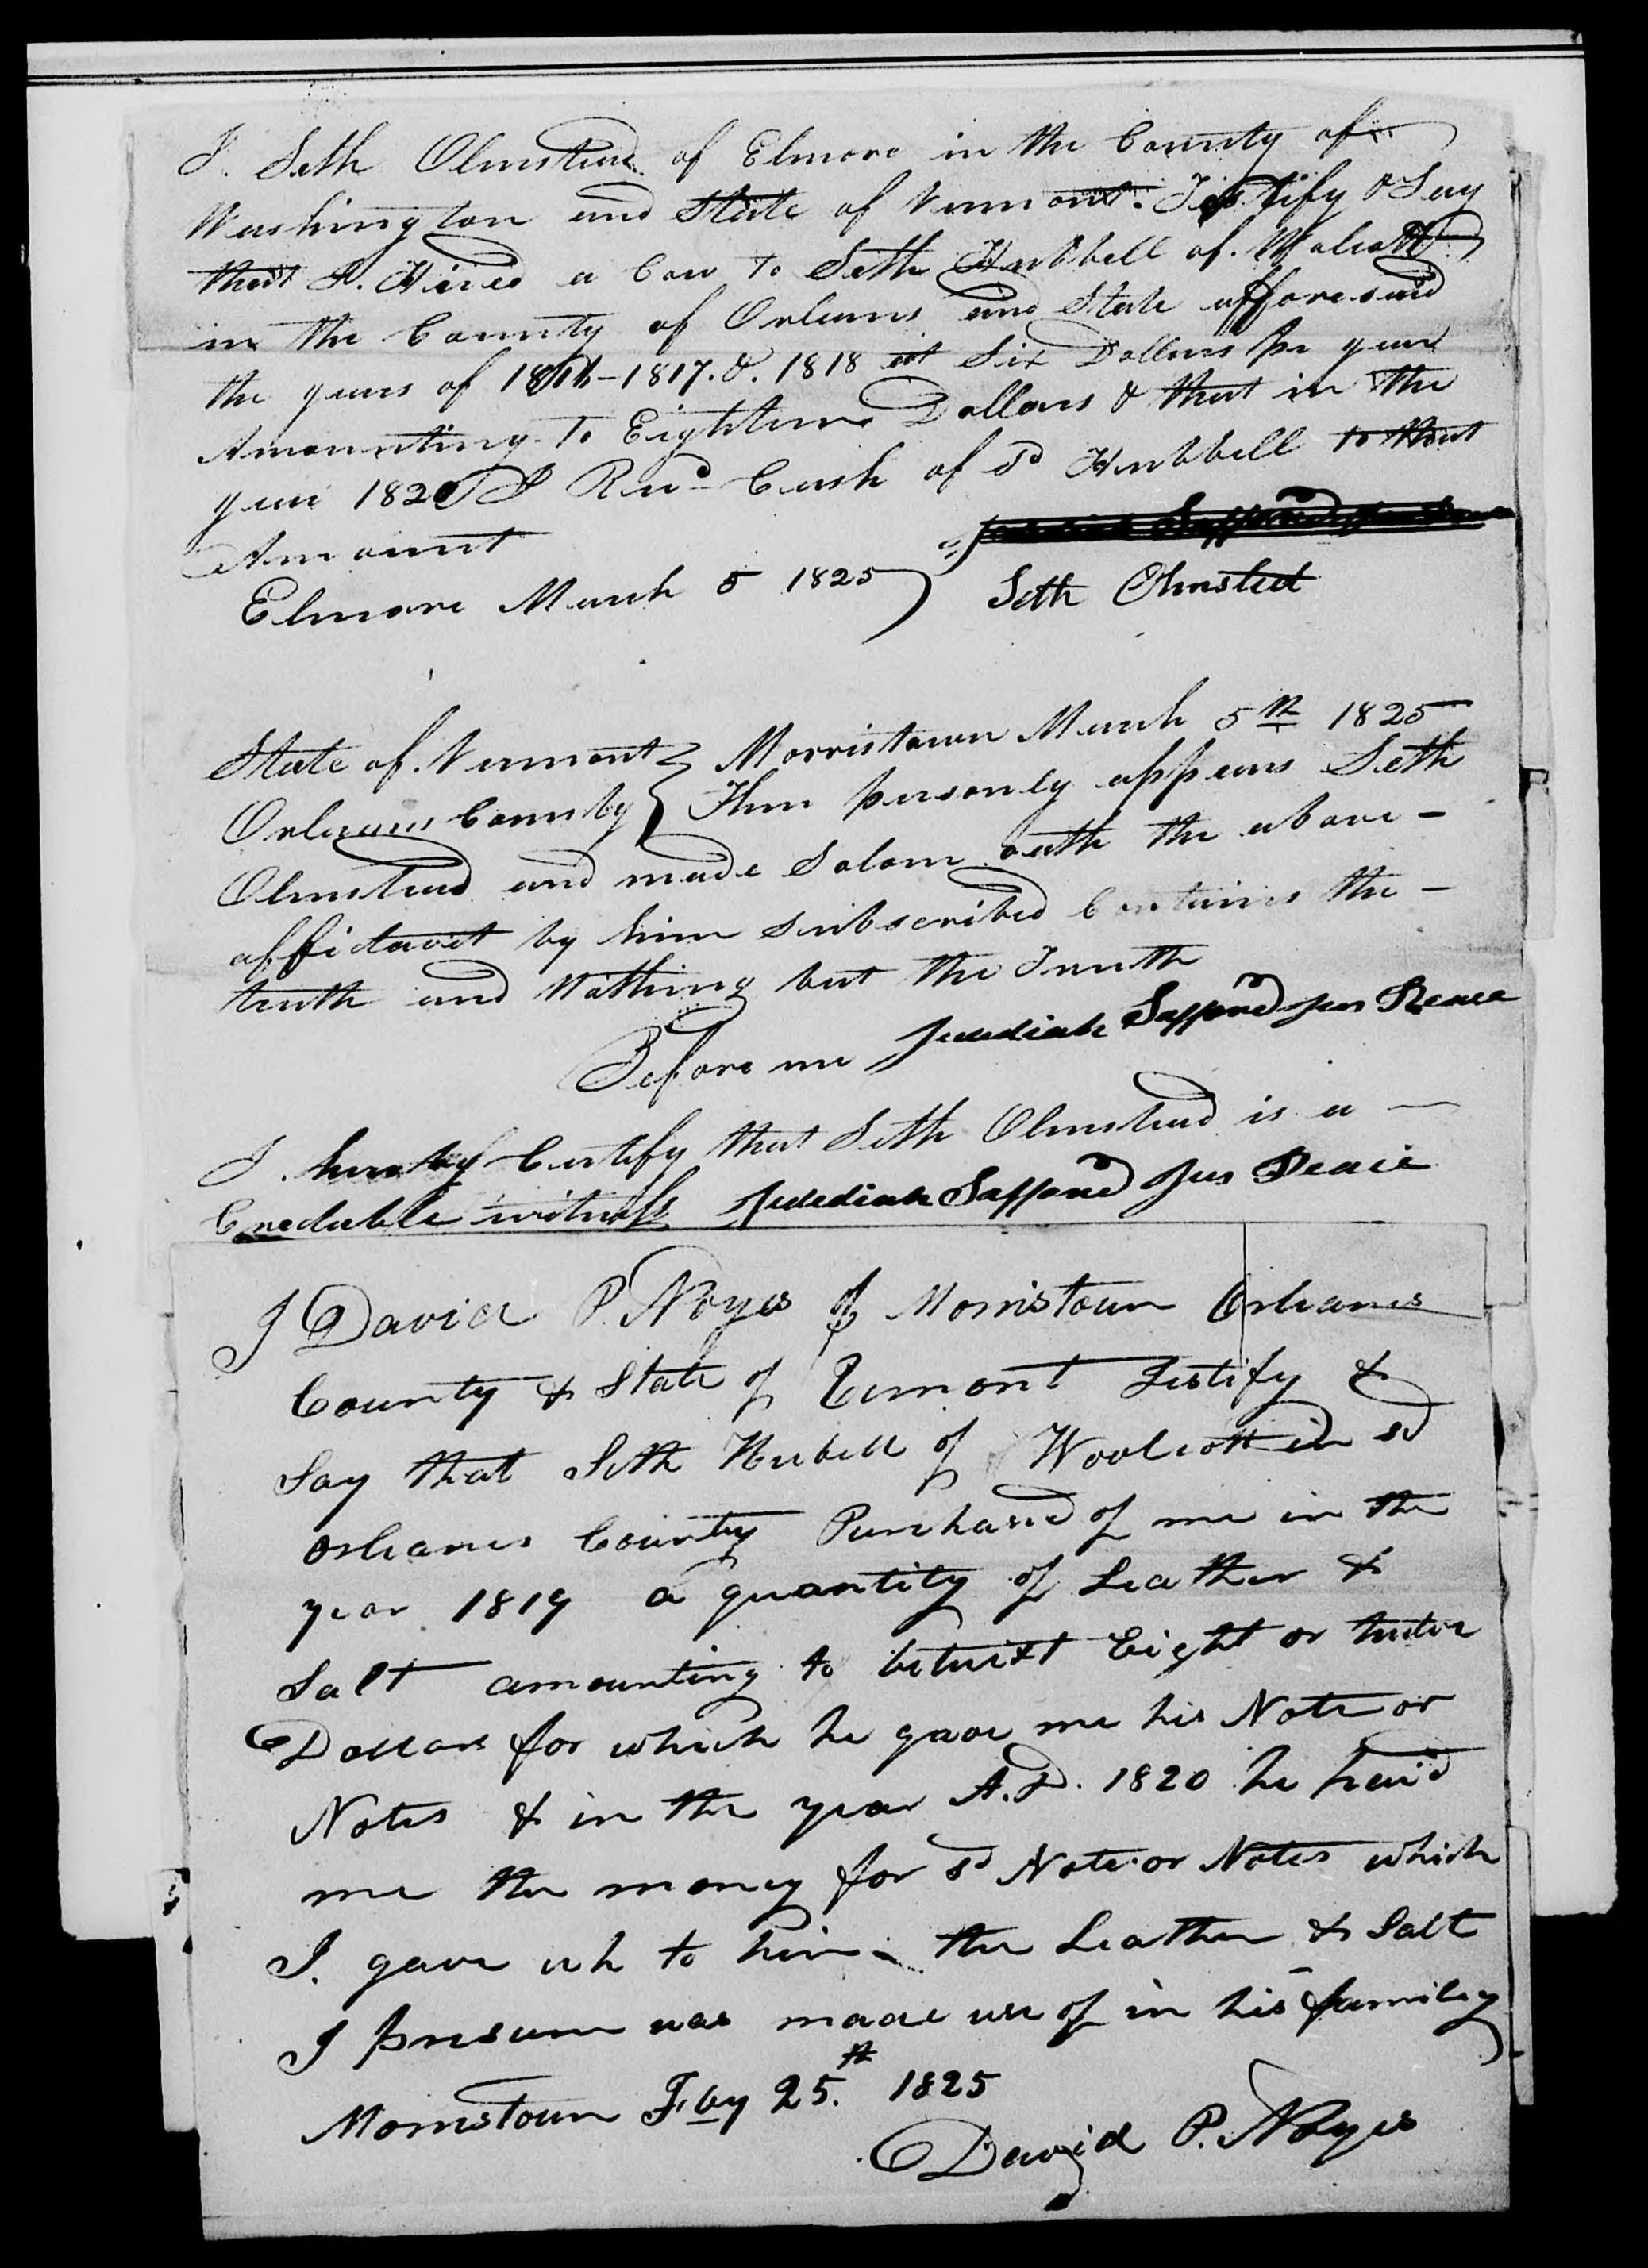I Seth Olmsteed of Elmore in the County of Washington and state of Vermont Testify & say that J. Hined a [illegible] to Seth Hubbell of Walcott in the county of Orleans and State aforesaid the years of 18816-1817.&.1818 at six Dollars per year Amounting to Eighteen Dollars & that in the year 1820 AD Rec'd cash of sd Hubbell to that Amount
Elmore March 5 1825 [something crossed out] Seth Olmsteed

State of Vermont }
Orleans County   } Morristown March 5th 1825 Here personaly [sic] Seth Olmsteed and made solom [sic] oath the above affidavit by him subscribed contains the truth and nothing but the truth
Before one Jedediah Safford Jus Peace
I hereby certify that Seth Olmsteed is a credible witness
Jedediah Safford Jus Peace 

[looks like another piece of paper starts here]
I David P. Noyes of Morristown Orleans County & state of Vermont testify & say that Seth Hubell [sic] of Woolcott [sic] in sd orleans county purchased of me in the year 18 19a quantity of leather & salt amounting to be [illegible] Eight or [illegible] Dollars for which he gave me his Note of Notes & in the year A.D. 1820 he paid me the money for sd Note or Notes which I gave [illegible]to him - the leather & salt I [illegible] was made use of in his family.
Fby 25th 1825
David P. Noyes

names: Seth Hubbell, Seth Olmsteed, David P Noyes, Jedediah Safford, J Hined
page: 38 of 114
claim: widow's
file: W. 2115, Seth Hubbell, Conn.